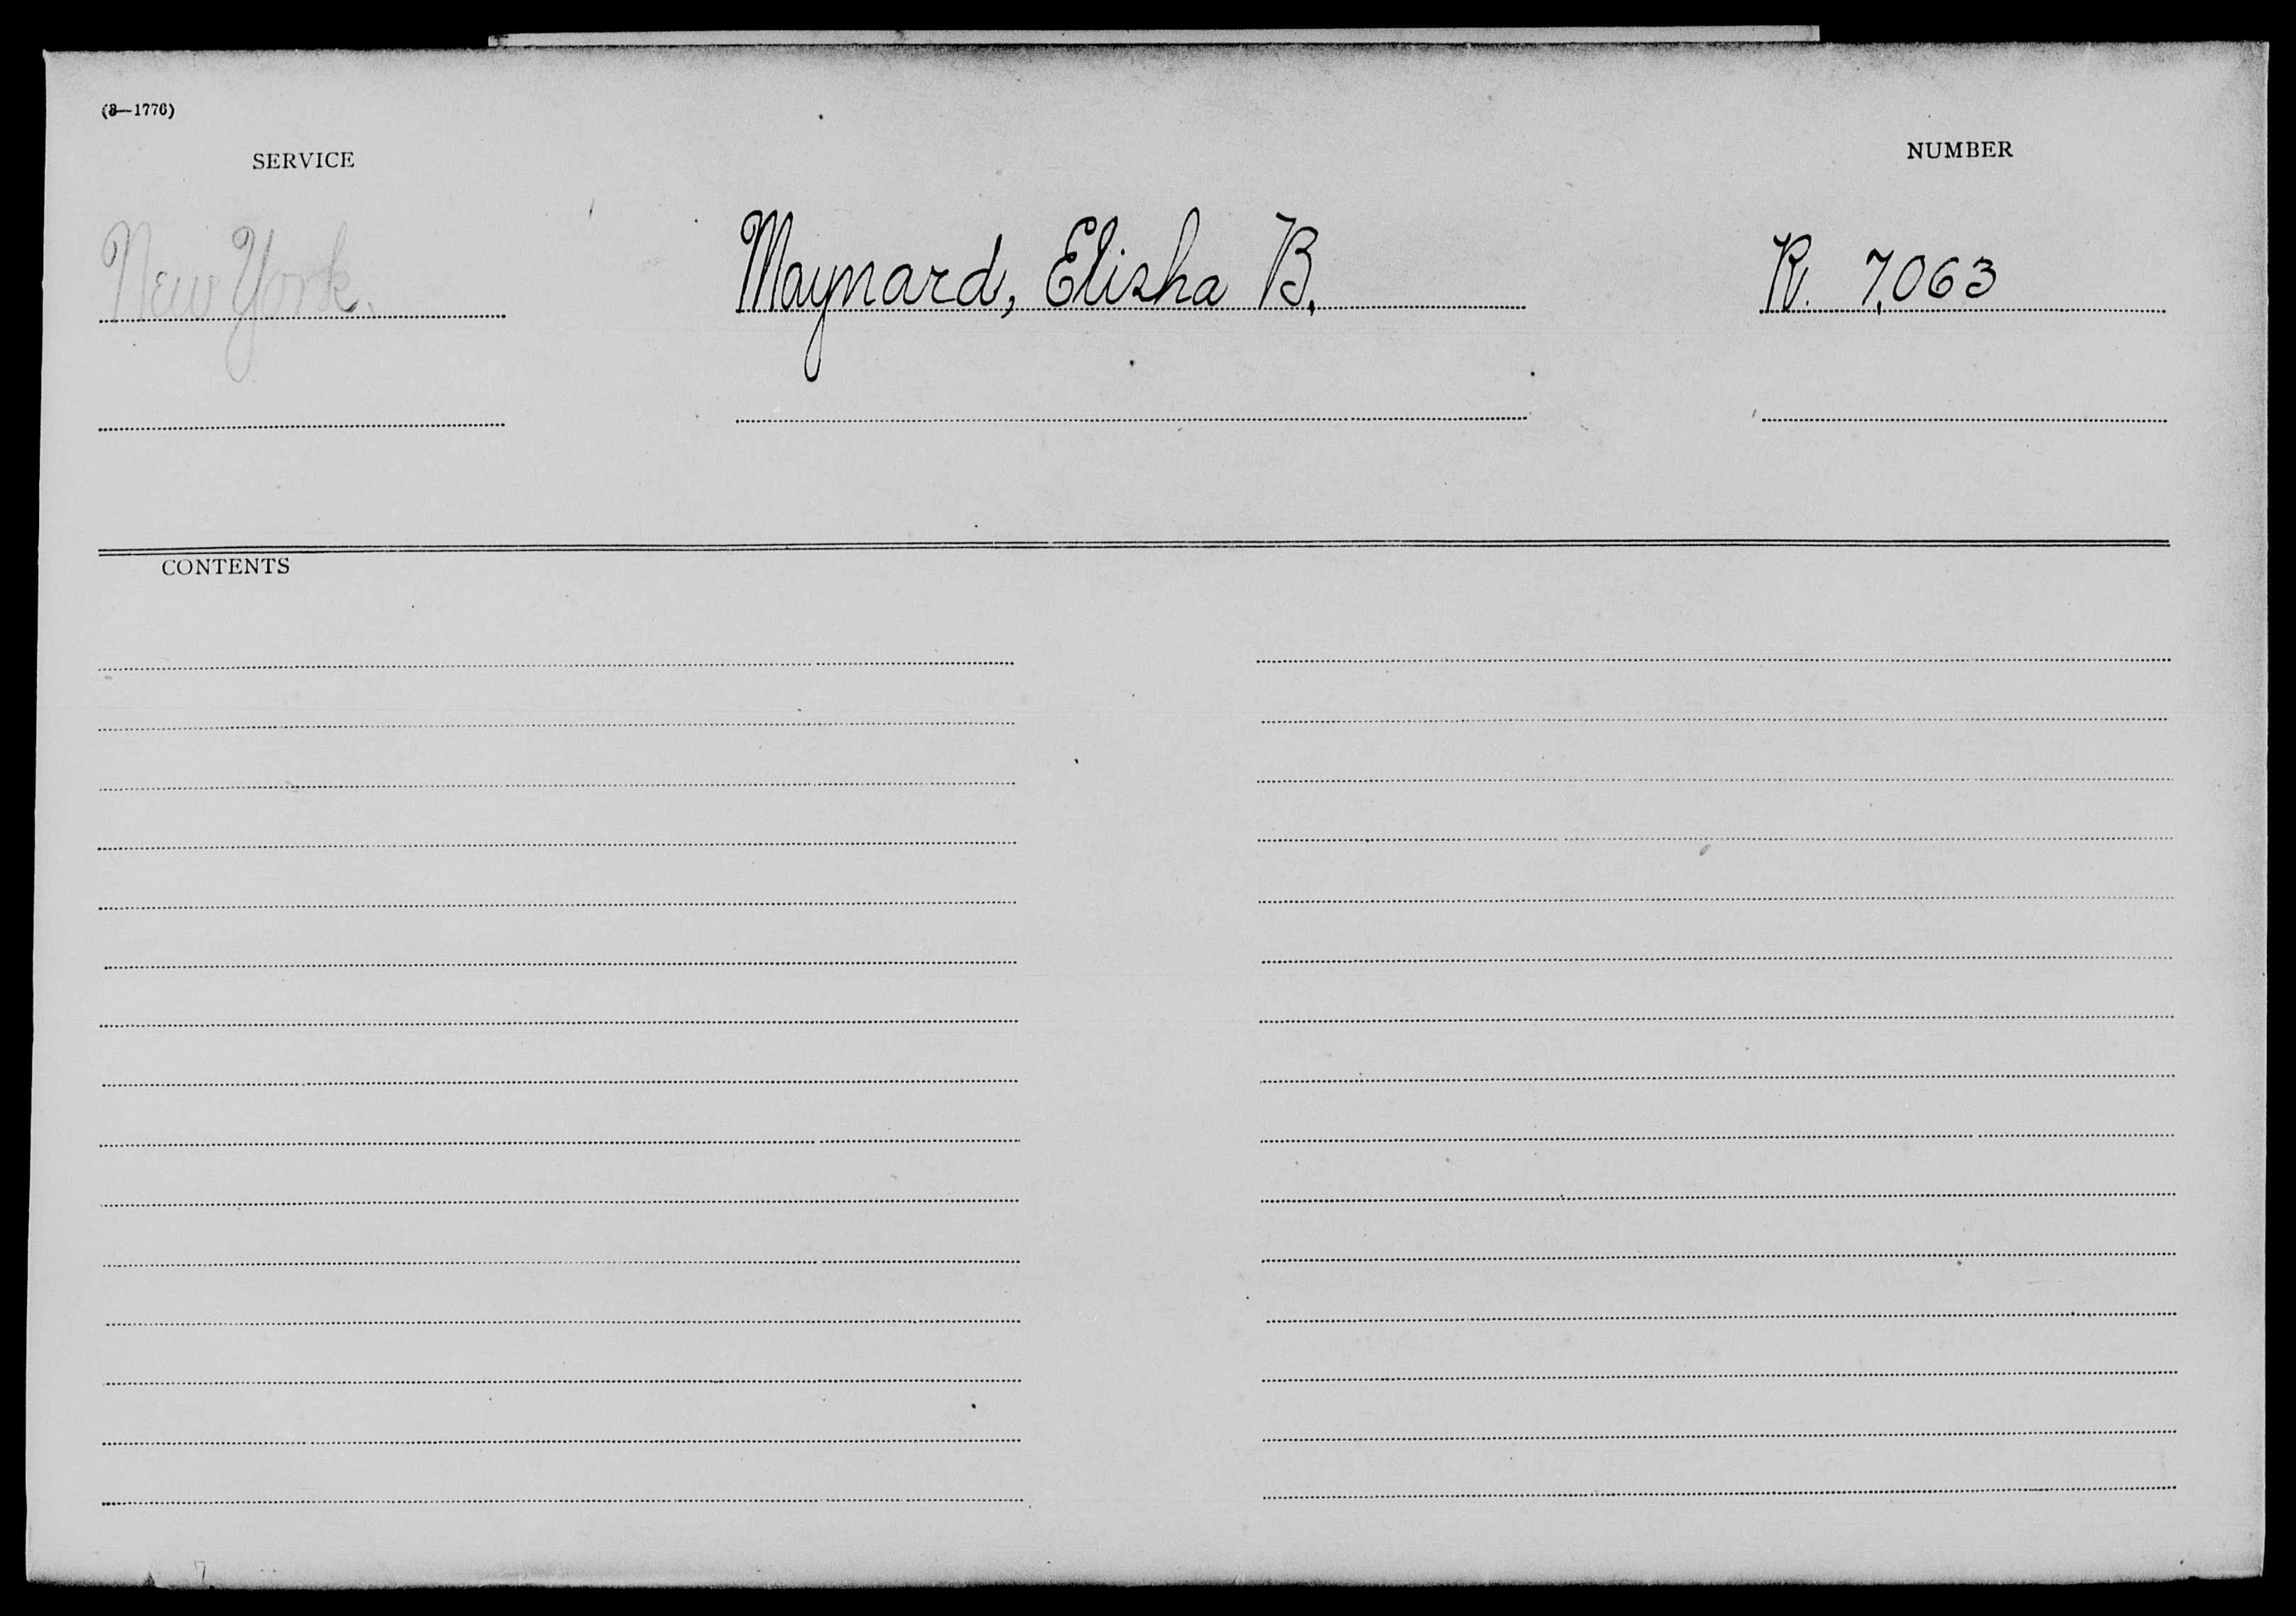SERVICE: New York
Maynard, Elisha B.
NUMBER: R. 7,063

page: 1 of 33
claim: rejected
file: R. 7,063, for Elisha B Maynard, New York